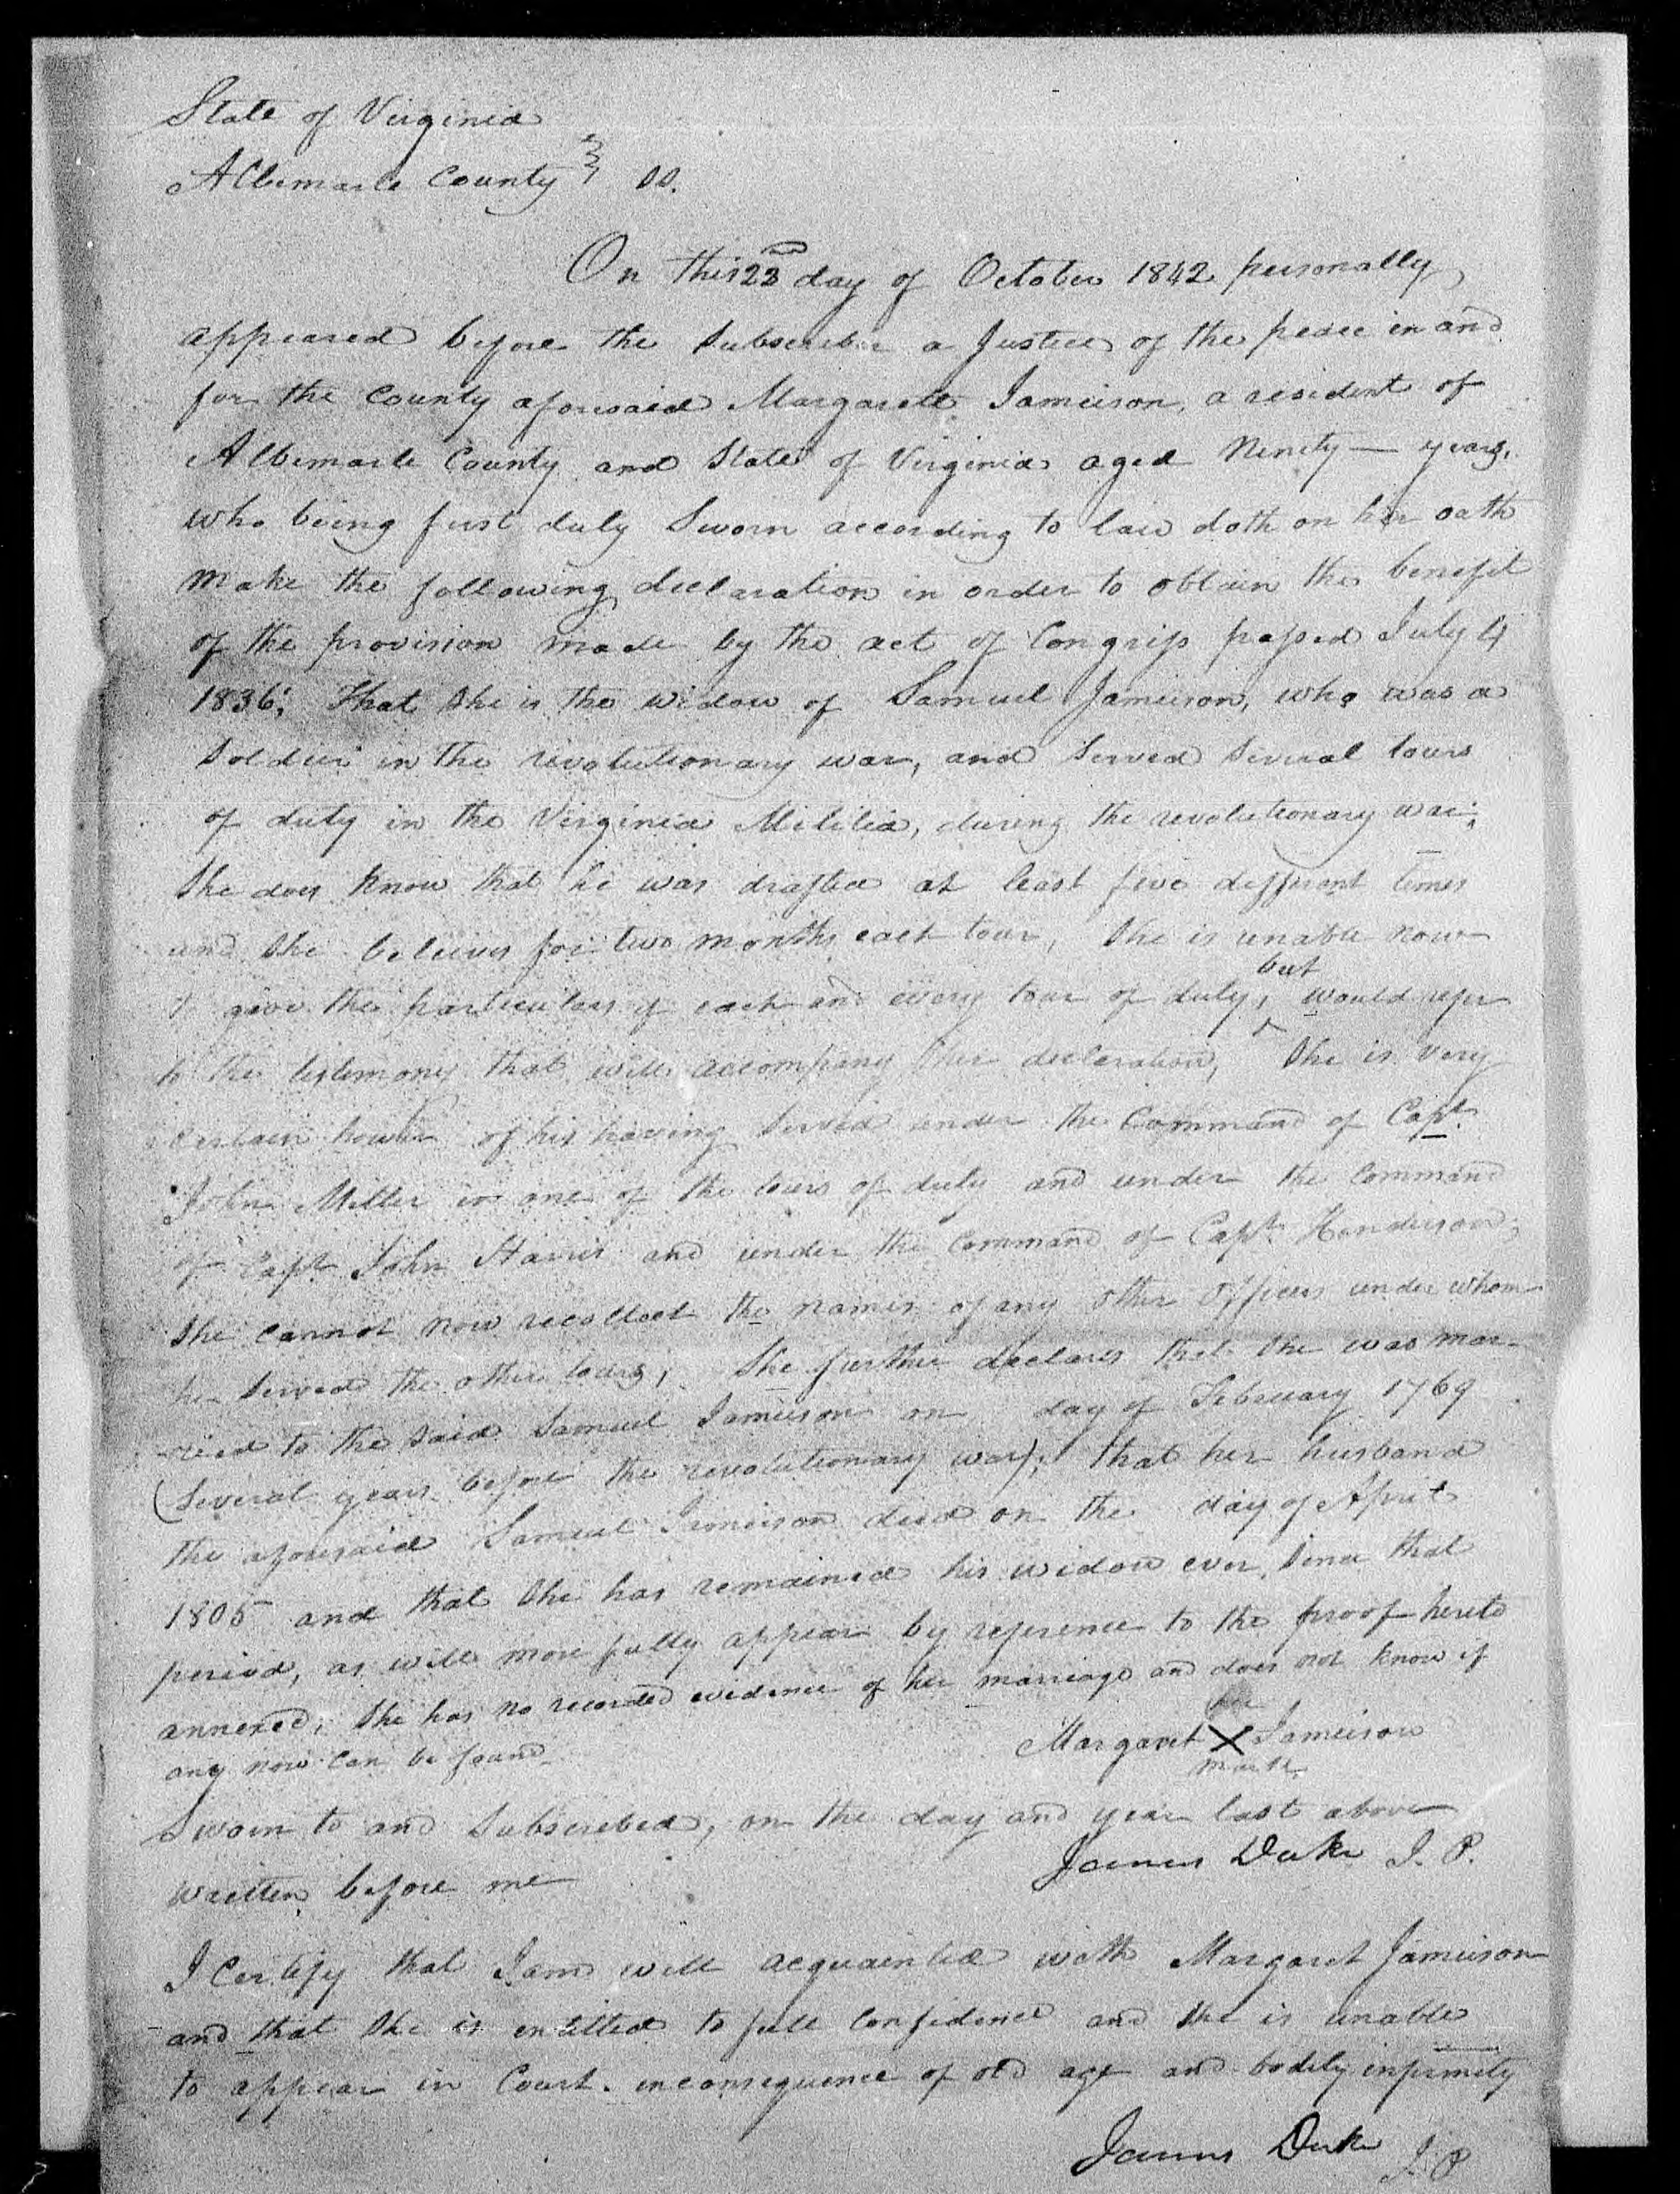State of Virginia
Albermarle County} ss.
On this 23rd day of October 1842, personally
appeared before the Subscriber, a justice of the peace in and
for the county aforesaid Margaret Jamieson, a resident of
Albermarle County and State of Virginia aged Ninety  _ years,
who being first duly Sworn according to law doth on her oath
make the following declaration in order to obtain the benefit
of the provision made by the act of Congress passed July 4
1836.  That she is the widow of Samuel Jamieson, who was a 
Soldier in the revolutionary war, and served several tours
of duty in the Virginia Militia, during the revolutionary war;
She does know that he was drafted at least five different times
and she believes for two months each tour. She is unable now
to give the particulars of each and every tour of duty, but would refer
to the testimony that will accompany this declaration.  She is very
certain however of his having served under the Command of Capt.
John Miller in one of the tours of duty and under the Command
of Capt. John Harris and under the command of Capt. Henderson.
She cannot now recollect the names of any other Officers under whom
he served the other tours.  She further declares that she was married
to the said Samuel Jamieson on   day of February 1769.
(Several years before the revolutionary war.)  That her husband
 the aforesaid Samuel Jamieson died on the day of April
1805 and that she has remained his widow ever since that
period, as will more fully appear by reference to the proof hereto
annexed.  She has no recorded evidence of her marriage and does not know if
any now can be found.
Margaret her X mark Jamieson

Sworn to and Subscribed on the day and year last above
written before me
James Duke J.P.

I certify that I am well acquainted withs Margaret Jamieson
and that she is entitled to full confidence and she is unable
to appear in Court in consequence of age and bodily infirmity.
James Duke J.P.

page: 6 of 28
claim: widow's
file: W. 5112, for Samuel Jamieson, Virginia